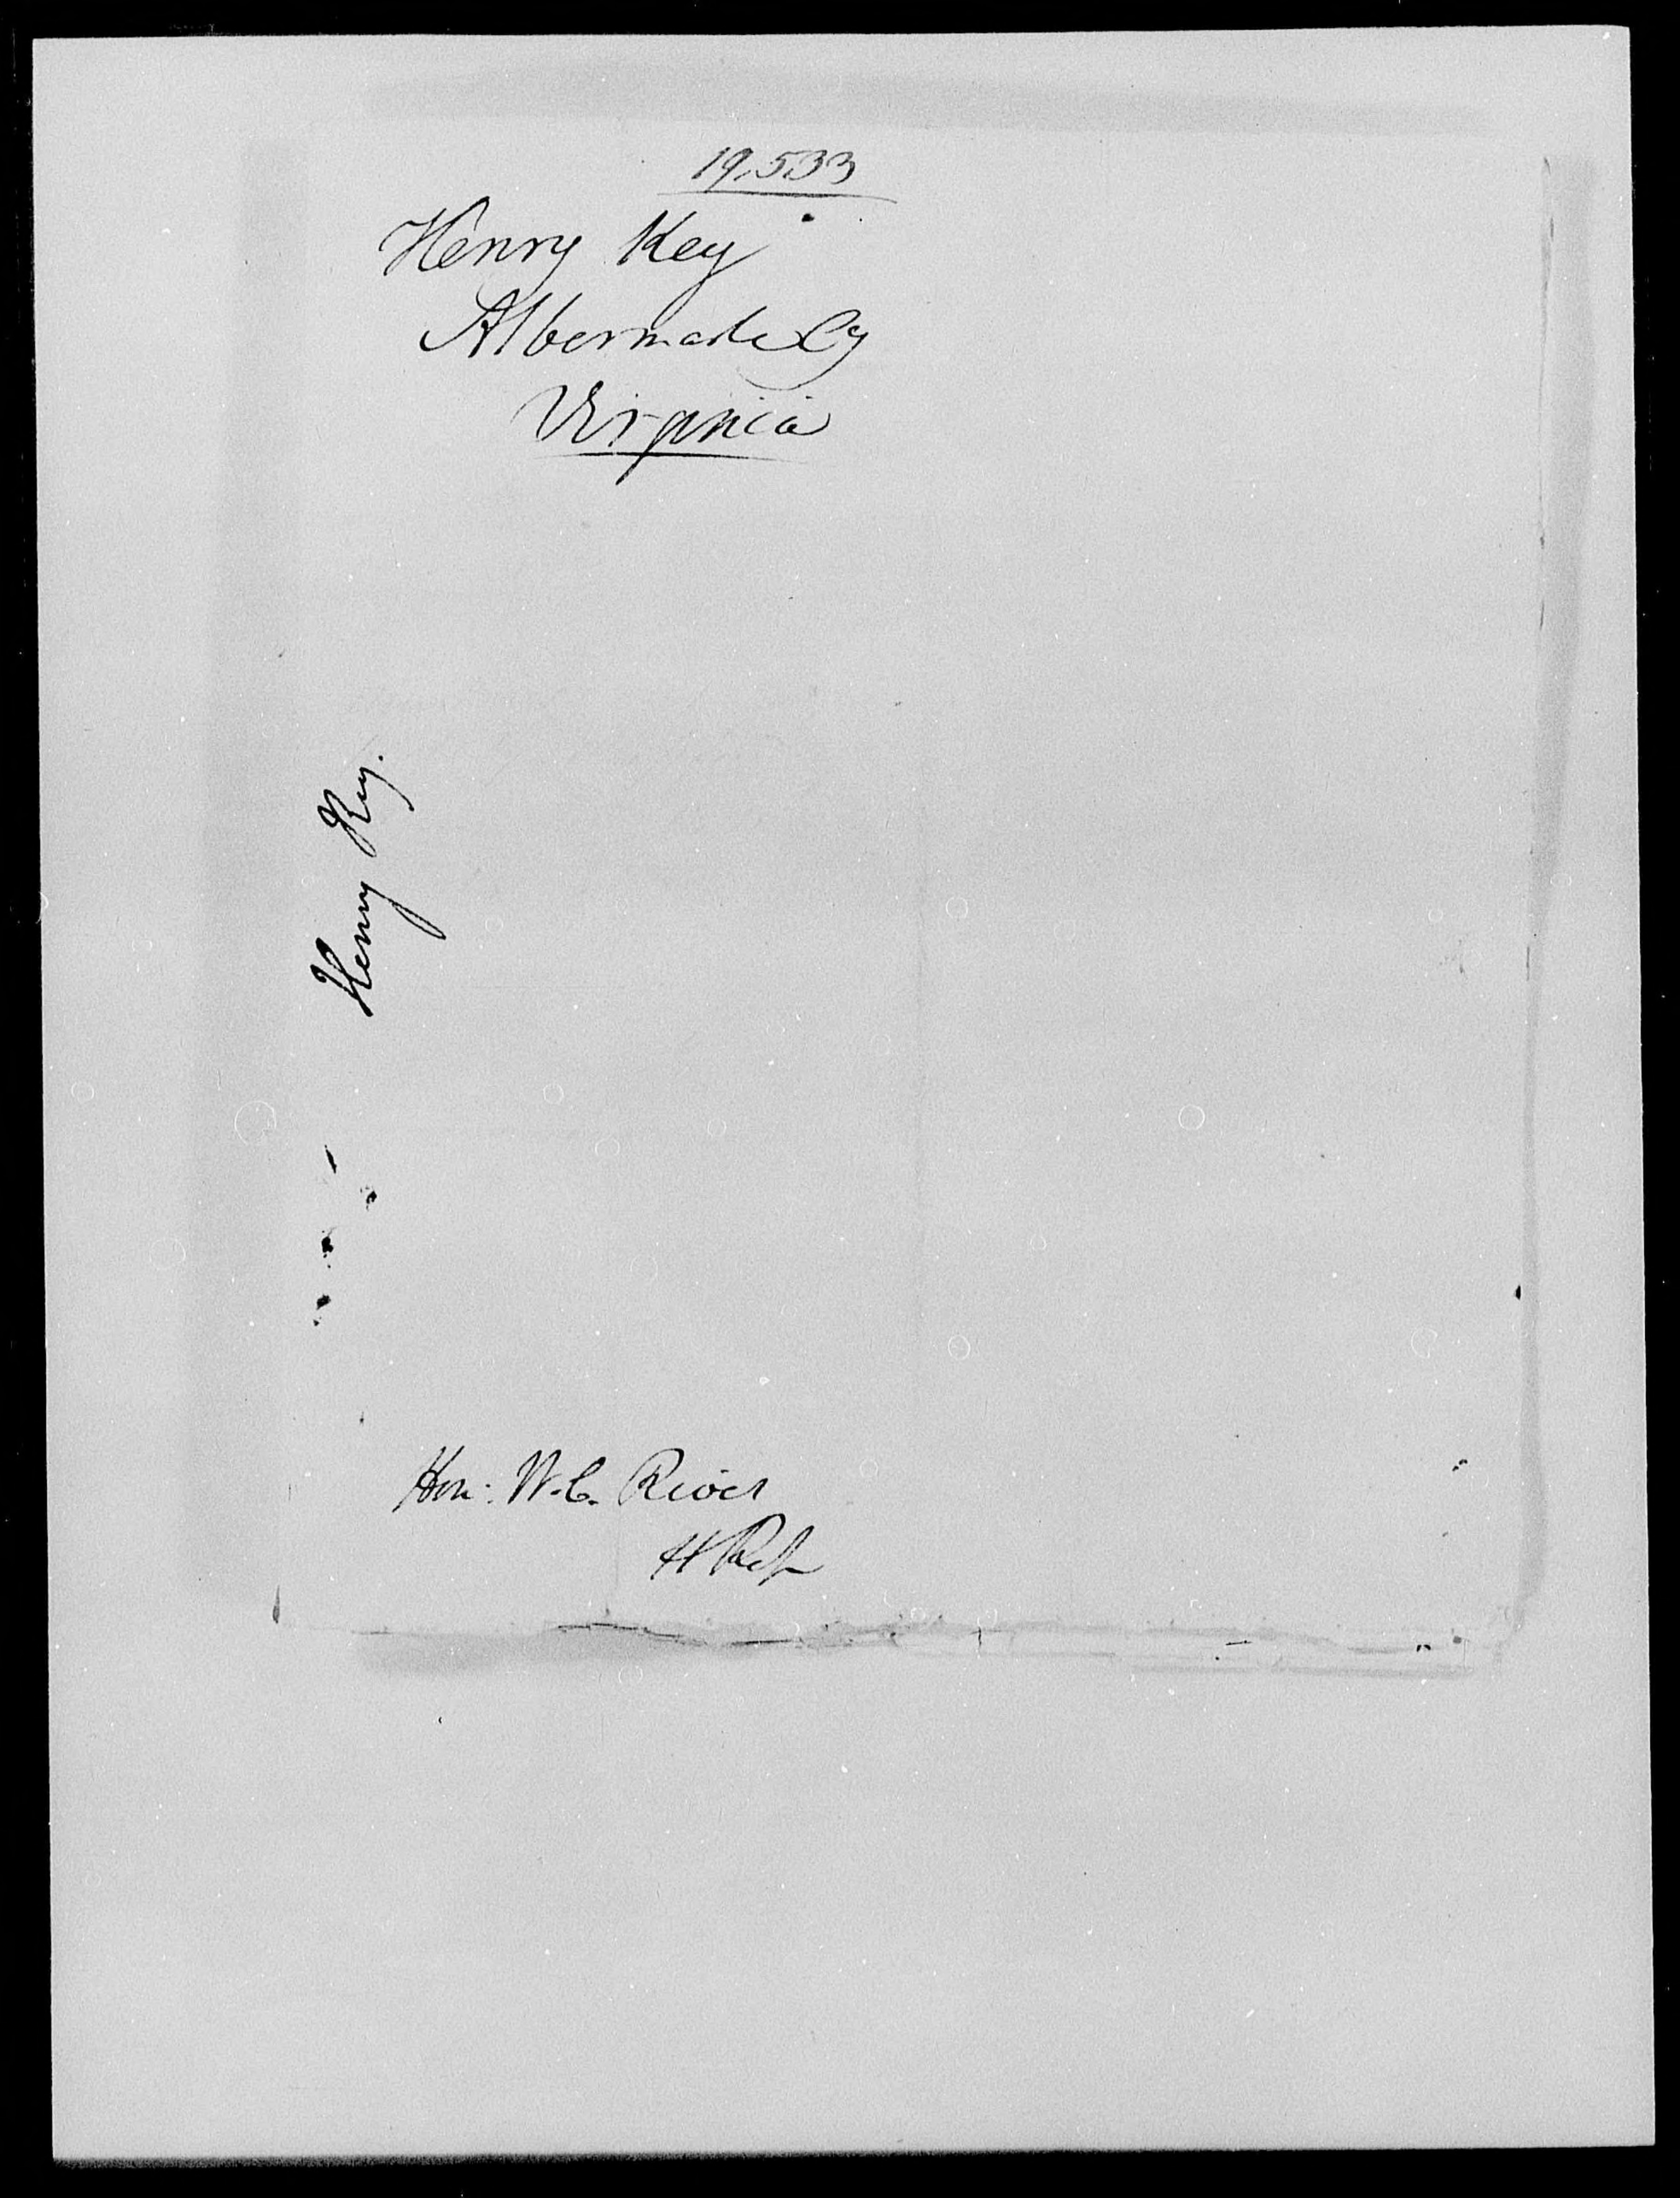Page 22

19533
Henry Key
Albermadeby
Vignia
Hon. W.C. River
Sep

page: 22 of 25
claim: survivor's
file: S 38116, for Henry Key, Virginia